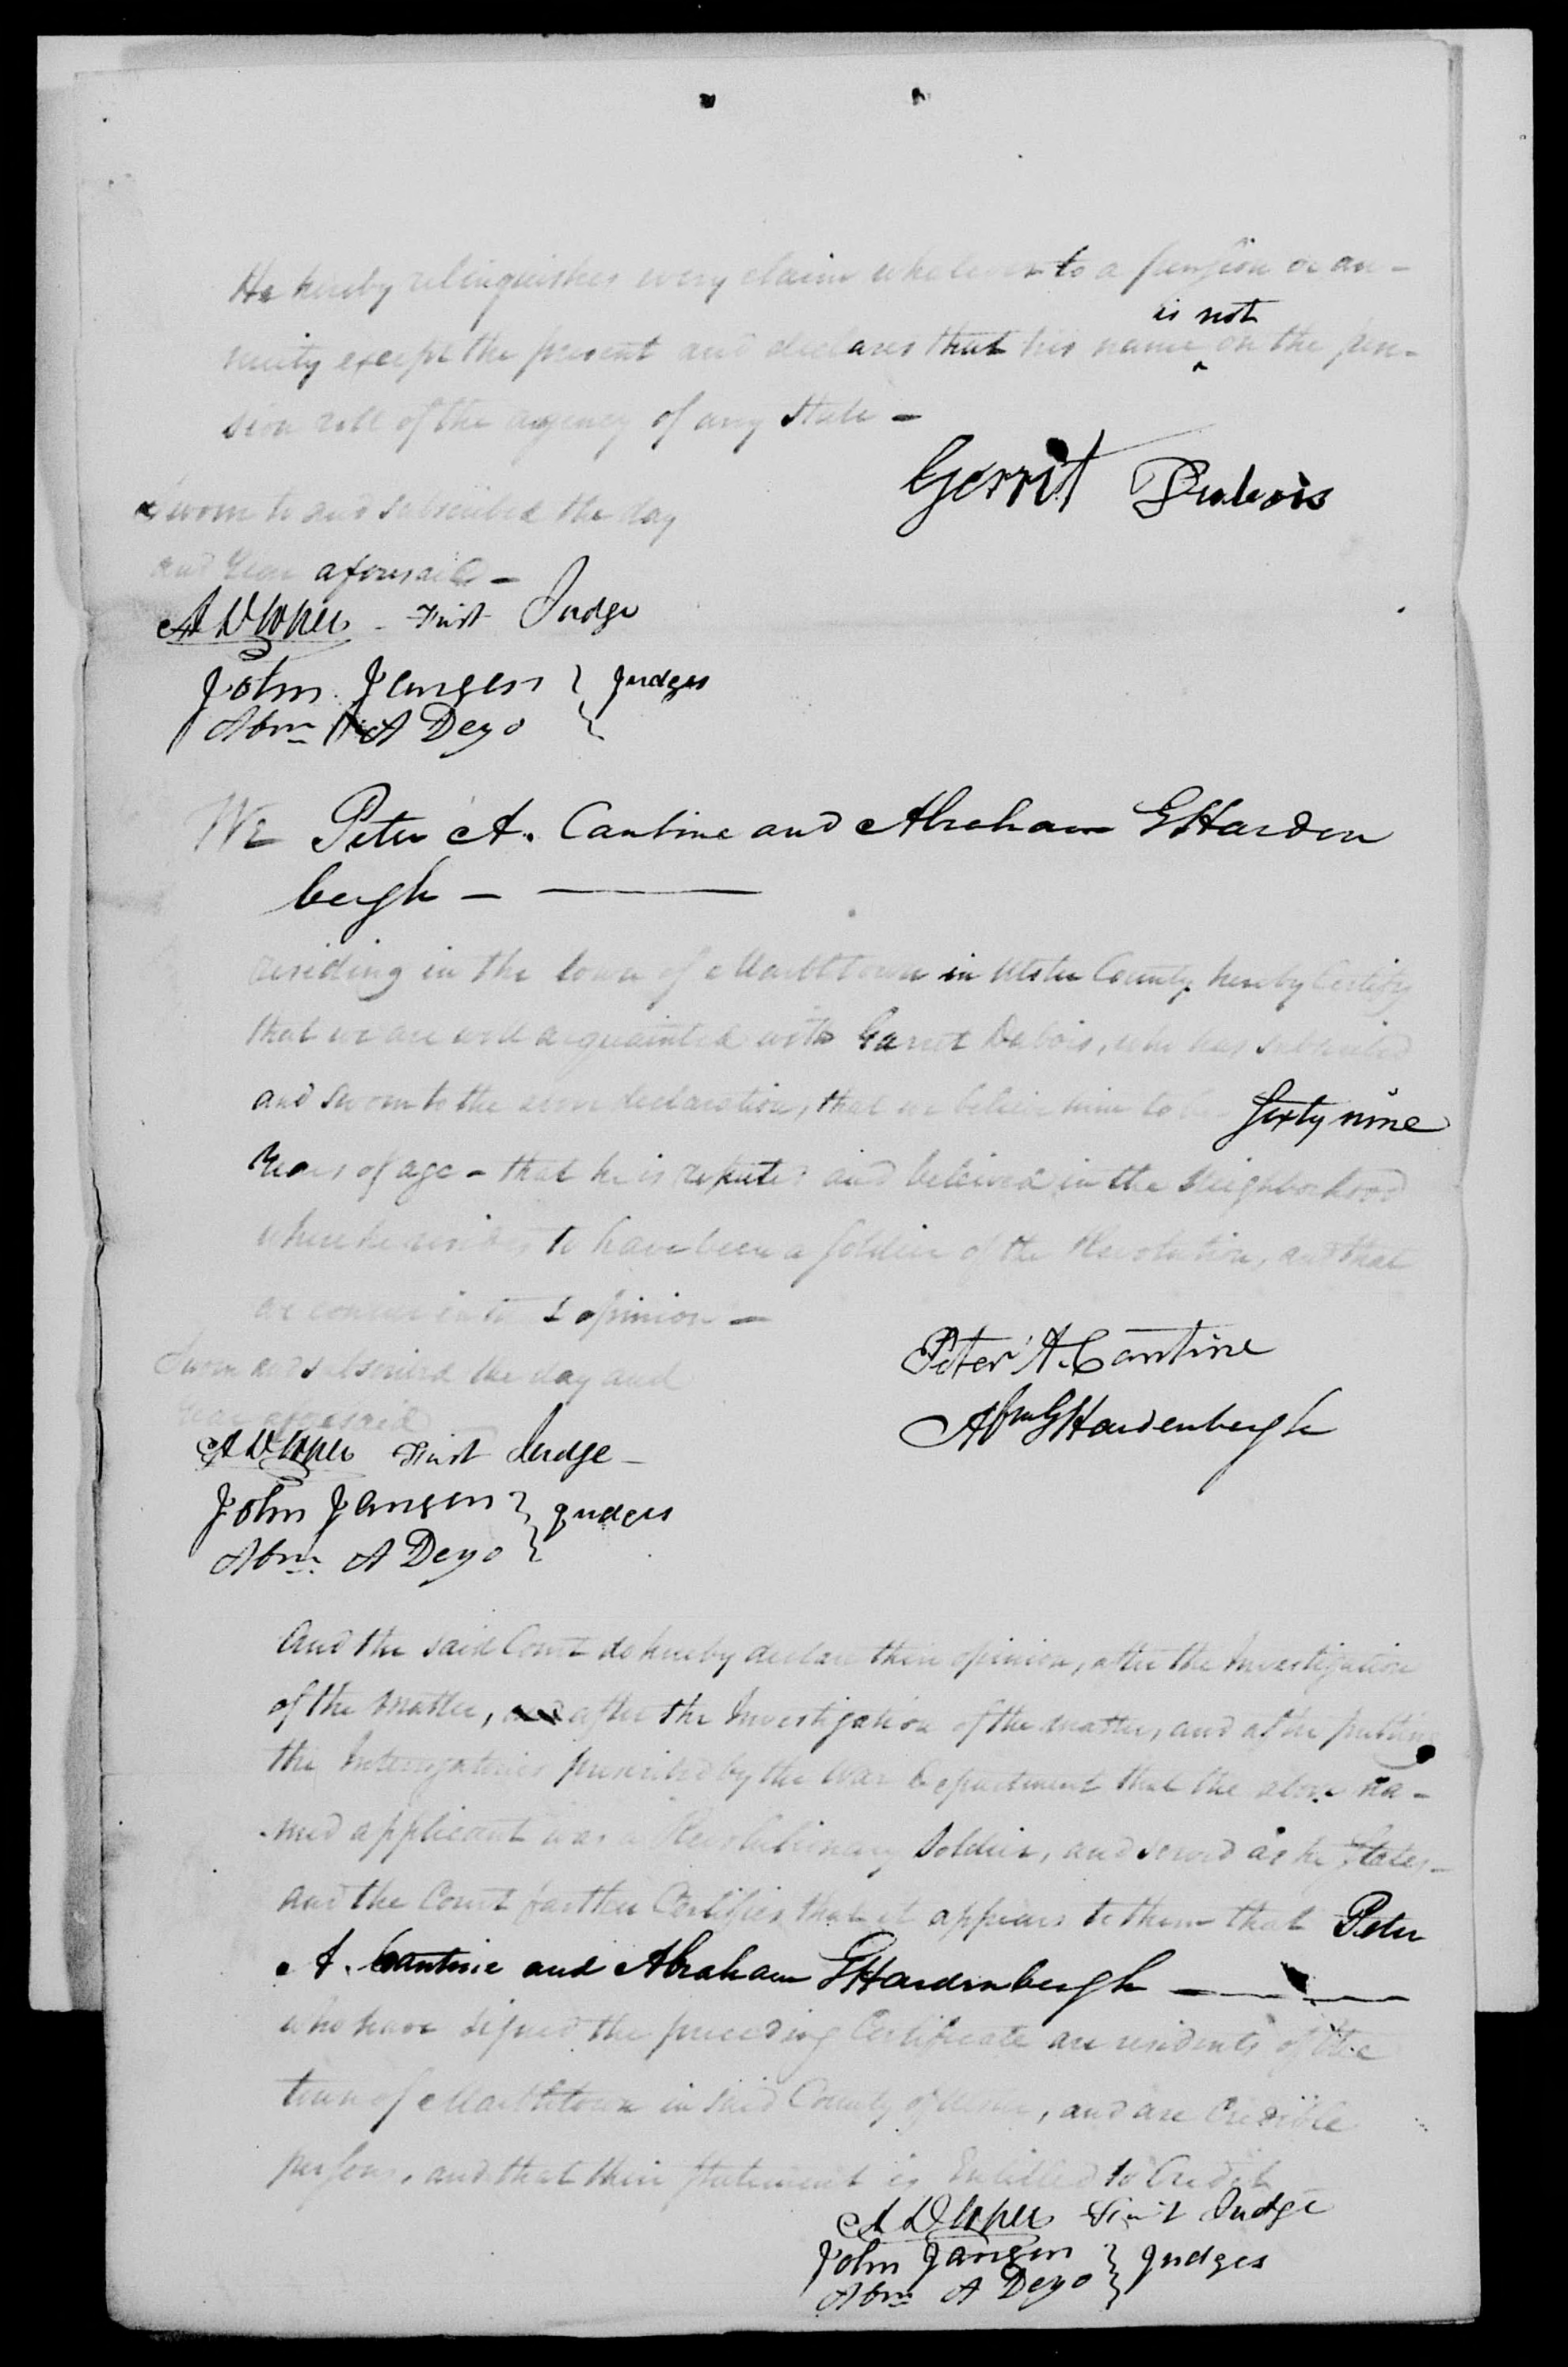He hereby relinquishes every claim whatever to a pension or annuity except the present and declares that his name ^is not on the pension roll of the agency of any State-
[signed] Garret Dubois
or to his subscribed the day
Garret Pulousand
Sworn to and subscribed the day and year aforesaid
A D Wher-- First Judge
John Jansen 
Abm A Deyo ⎬ Judges

We Peter A. Cantine and Abraham  G Hardenbergh-
residing in the town of Marbletown in Ulster County hereby certify that we are and acquainted with Garret Debois, who has subscibed and sworn to the above declaration, that we believe him to be Sixty nine years of age - that he is reputed and believed in the neighborhood where he resides to have been a soldier of the Revolution, and that we concur with the opinion-
Sworn and subscribed the day and year aforesaid-
[signed] Peter A. Cantine
[signed] Abram G Hardenbergh
A D Wher-- First Judge
John Jansen 
Abm A Deyo ⎬ Judges

And the said Court do hereby declare their opinion, after the investigation of the matter, and after the Investigation of the matter, and after putting
the interrogatories provided by the War Department that the above 
proffered applicant was a Revolutionary Soldier, and served as he states - 
and the Court further certifies that it appears to them that Peter A. Cantine and Abraham G Hardenburgh who have signed the preceding certificate are residents of the town of Manthtown in said County of time, and are credible
persons, and that their statement is Entitled to credit
A D Wher-- First Judge
John Jansen 
Abm A Deyo ⎬ Judges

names: Peter A Cantine, John Jansen, Peter A Cantine, Abraham G Hardenbergh, Abraham G Hardenbergh, Abm A Deyo, John Jansen, Gerrit Dubois, Abm A Deyo, Garret Dubois, Abm A Deyo, John Jansen, Peter A Cantine, Abm G Hardenbergh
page: 10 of 36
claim: widow's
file: W 20995, Gerrit Dubois, New York